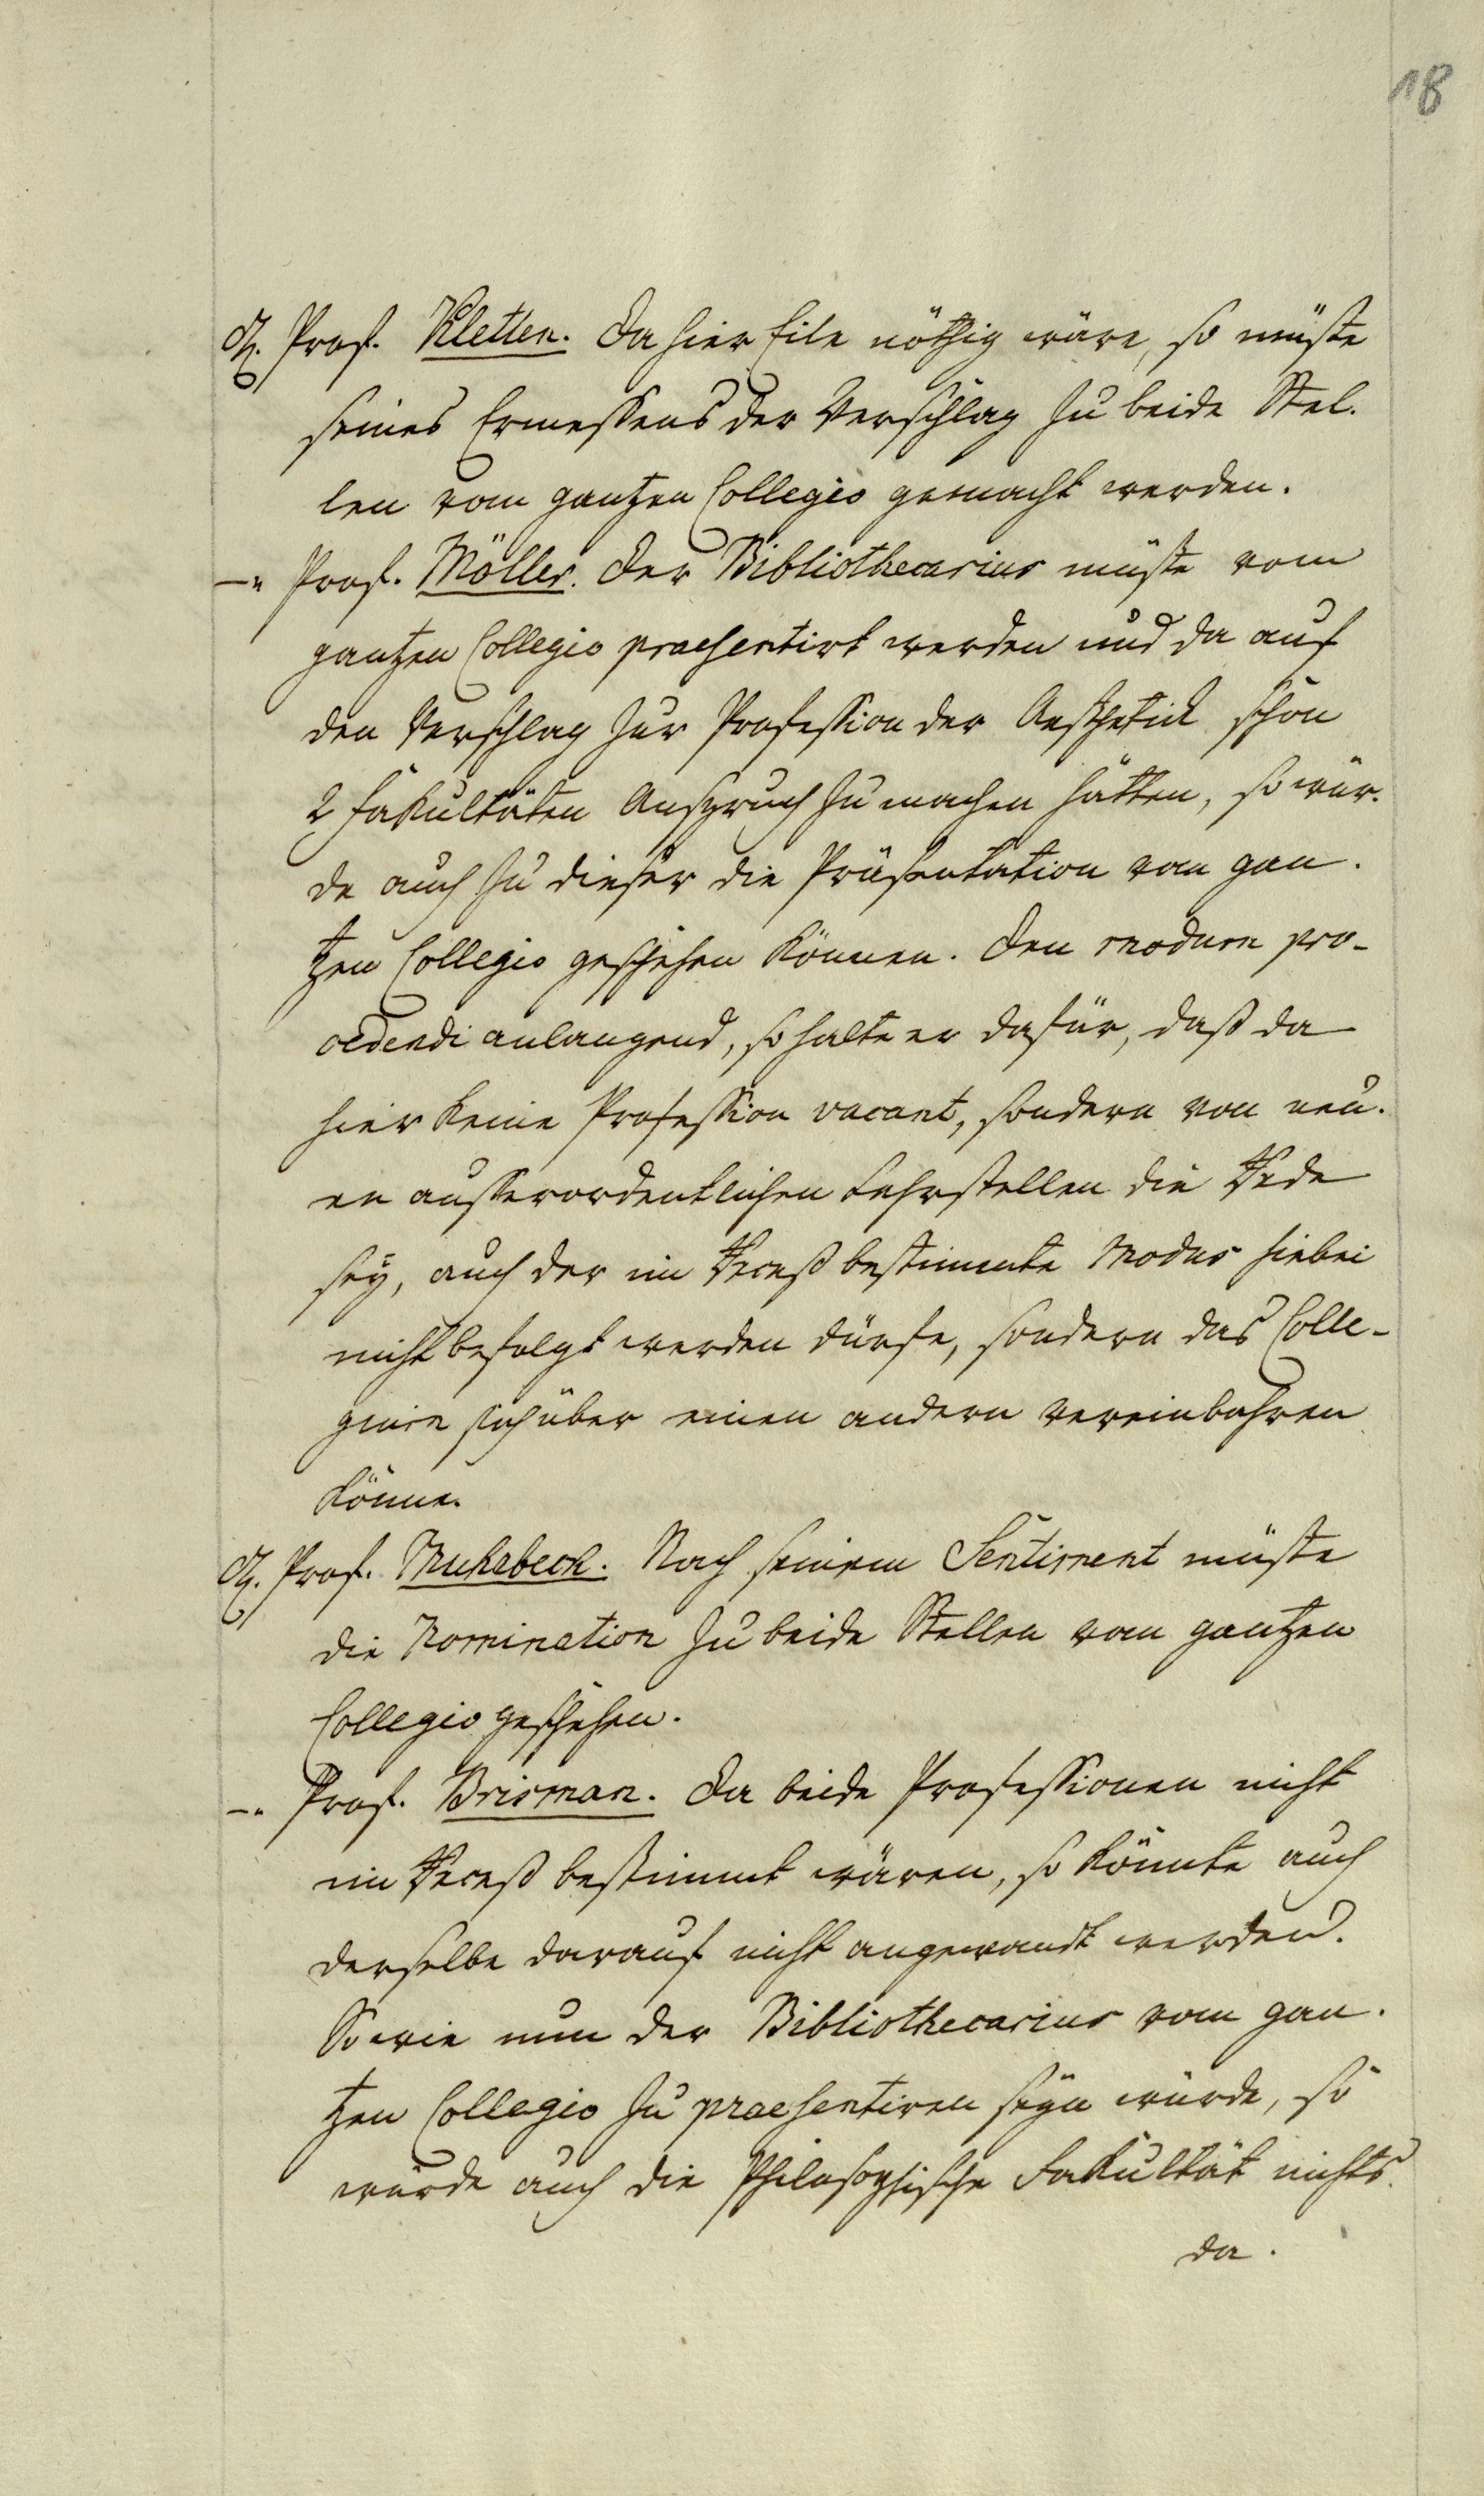dh. Prof. Kletten. Da hier Eile nöthig wäre, so müsste
seines Erachtens der Vorschlag zu beide Stel¬
len vom gantzen Collegio gemacht werden.
— " Prof. Möller. Der Bibliothecarius müsste vom
gantzen Collegio praesentirt werden und da auf
den Vorschlag zur Profession der Aesthetik schon
2 Fakultäten Anspruch zu machen hätten, so wür¬
de auch zu dieser die Präsentation vom gan¬
tzen Collegio geschehen können. Den modum pro¬
cedendi anlangend, so halte er dafür, daß da
hier keine Profession vacant, sondern von neu¬
en ausserordentlichen Lehrstellen die Rede
seÿ, auch der im Receß bestimmte Modus hiebei
nicht befolgt werden dürfe, sondern das Colle¬
gium sich über einen andern vereinbahren
könne.
dh. Prof. Muhrbeck. Nach seinem Sentiment müsste
die Nomination zu beide Stellen vom gantzen
Collegio geschehen.
— " Prof. Brisman. Da beide Professionen nicht
im Receß bestimmt wären, so könnte auch
derselbe darauf nicht angewandt werden.
So wie nun der Bibliothecarius vom gan¬
tzen Collegio zu praesentiren seÿn würde, so
würde auch die Philosophische Fakultät nichts
da¬